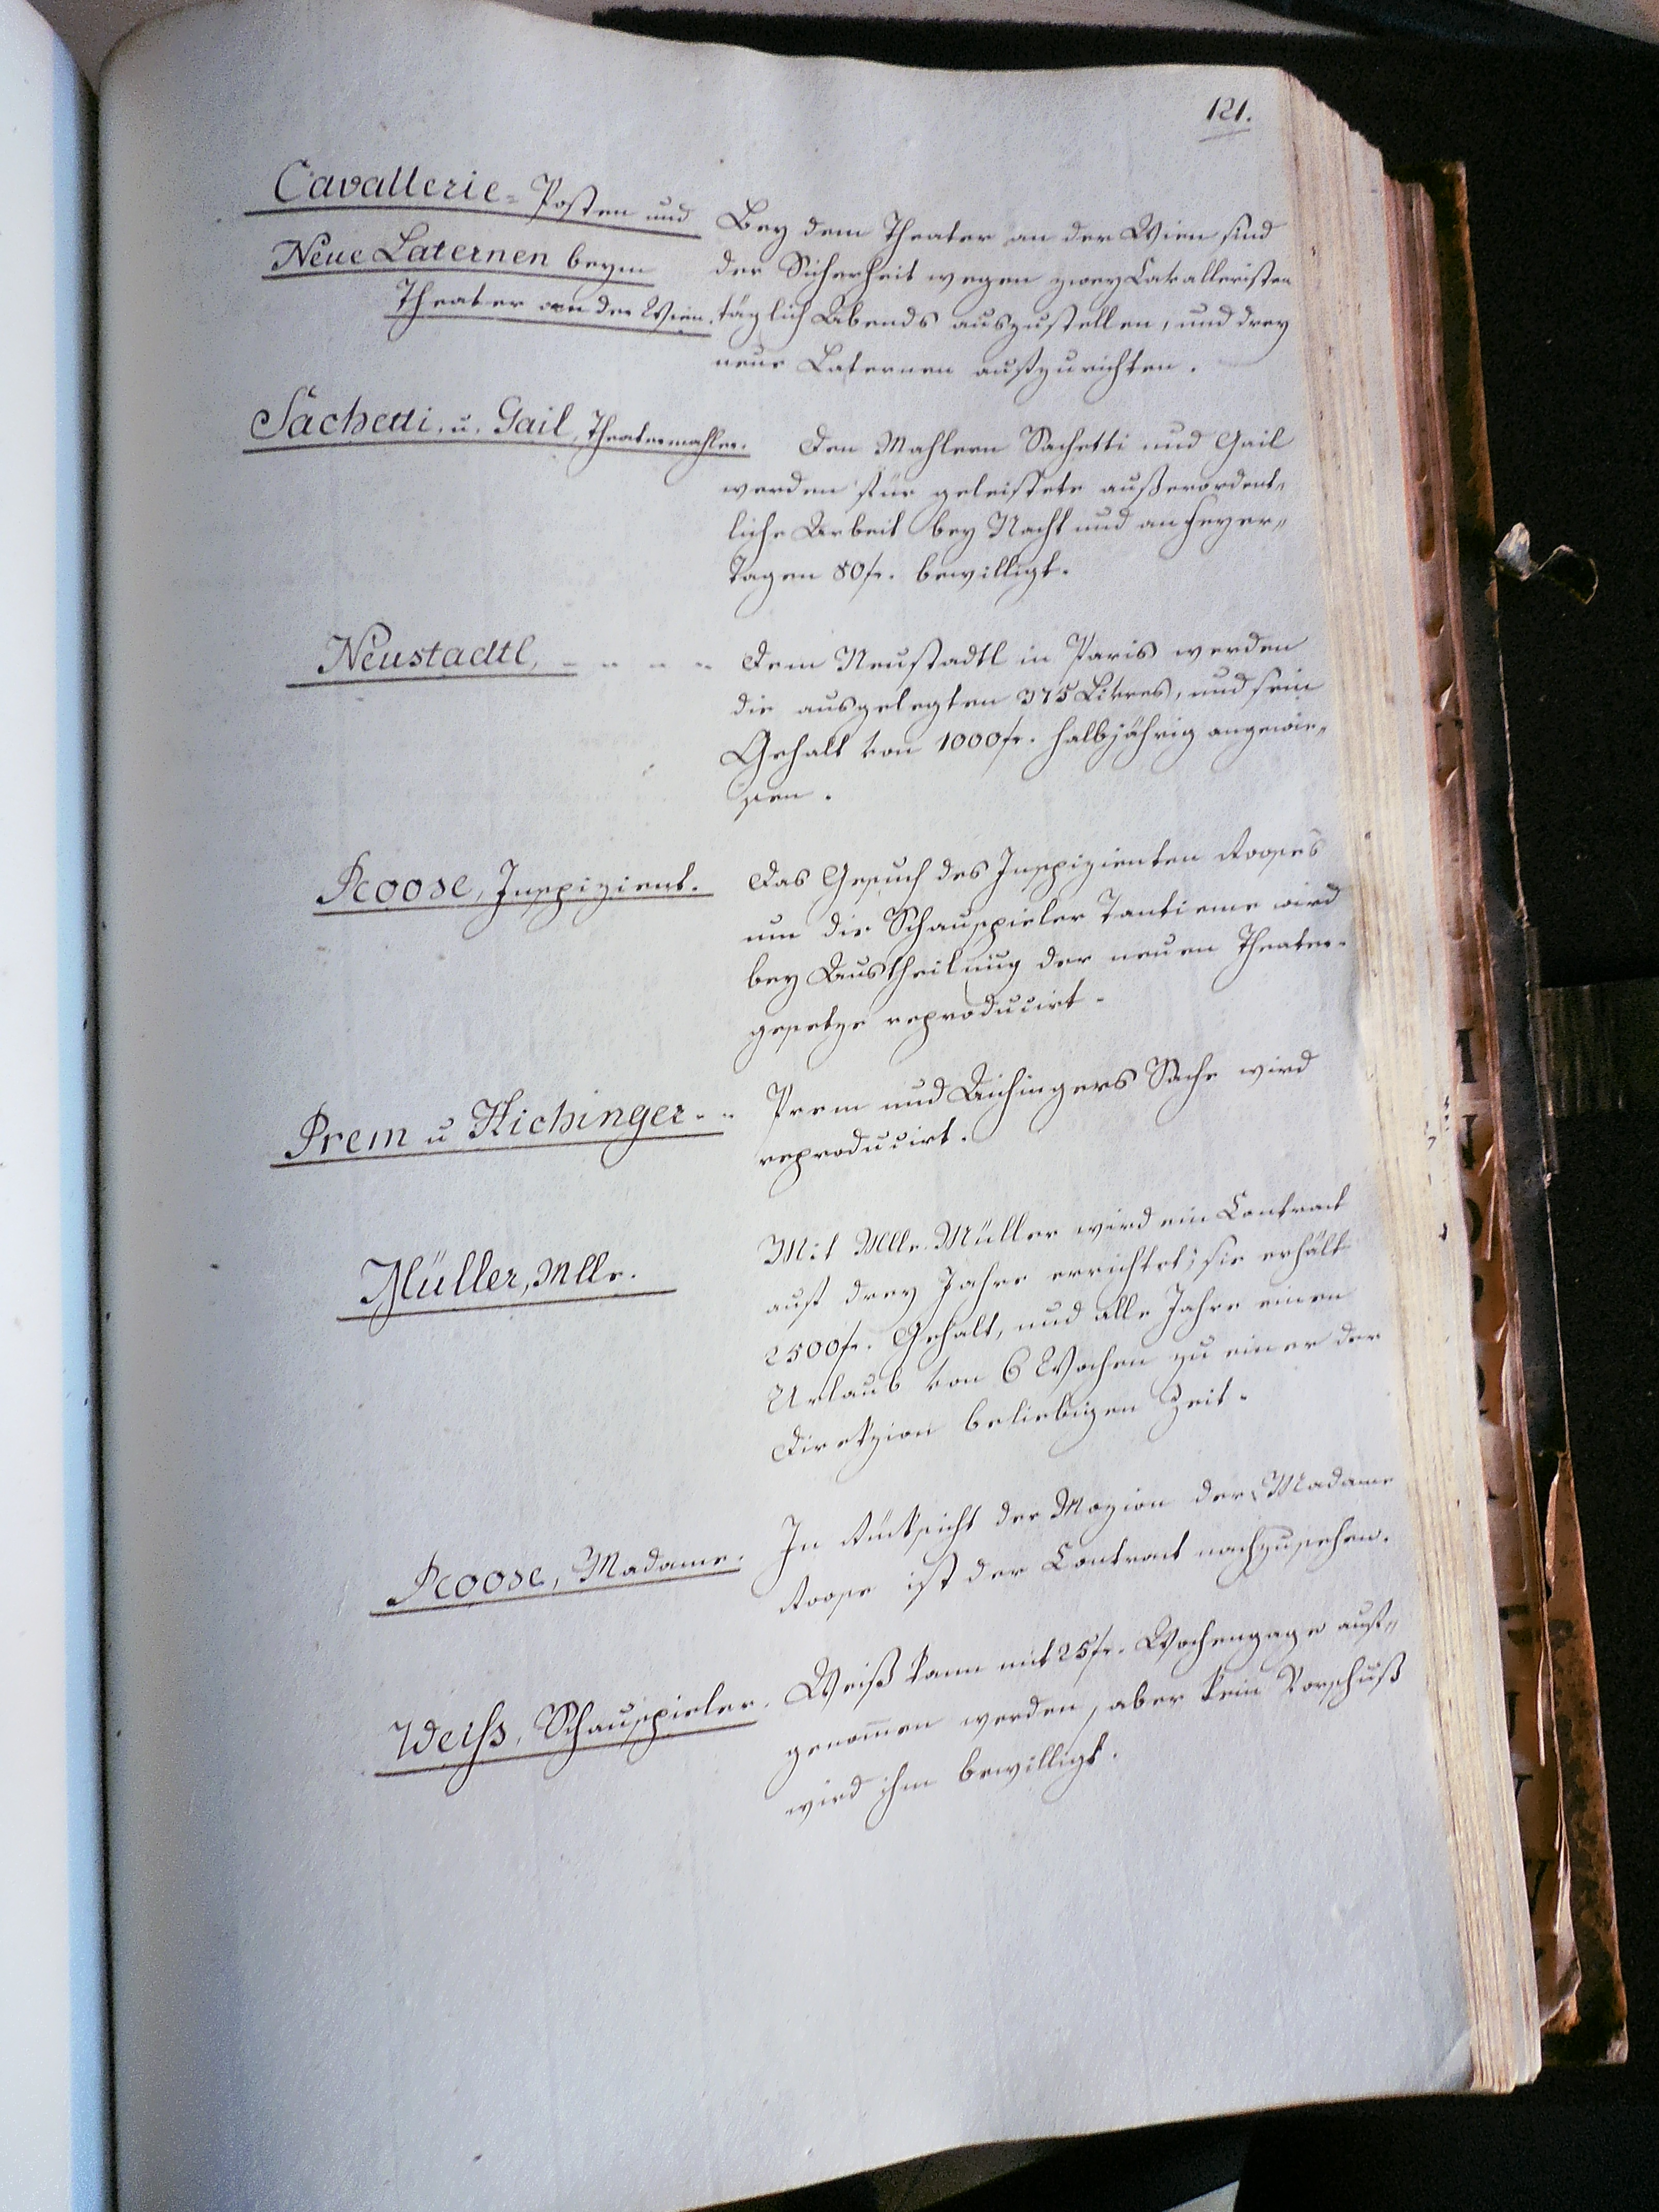121.
Cavallerie Posten und
Neue Laternen beym
Theater an den Wien.
Bey dem Theater an der Wien sind
der Sicherheit wegen zwey Cavalleristen
täglich Abends auszustellen, und drey
neue Laternen aufzurichten.
Sachetti, u. Gail, Theatermahler. Den Mahlern Sachetti und Gail
werden für geleistete außerordent¬
liche Arbeit bey Nacht und an Feyer¬
Tagen 80fr. bewilligt.
Neustadtl .. .. .. Dem Neustadtl in Paris werden
die ausgelegten 375 Livres, und sein
Gehalt von 1000fr. halbjährig angewie¬
sen.
Roose, Inspizient. Das Gesuch des Inspizienten Rooses
um die Schauspieler Tantieme wird
bey Austheilung der neuen Theater¬
gesetze reproducirt.
Prem u Aichinger .. .. Pren und Aichingers Sache wird
reproducirt.
Müller, Mlle. Mit Mlle. Müaller wird ein Contract
auf drey Jahre errichtet; sie erhält
2500fr. Gehalt, und alle Jahre einen
Urlaub von 6 Wochen zu einer der
Direkzion beliebigen Zeit.
Roose, Madame. In Rücksicht der Mozion der Madame
Roose ist der Contranct nachzusehen.
Weiss, Schauspieler. Weiß kann mit 25fr. Wochengage auf¬
genom̅en werden, aber kein Vorschuß
wird ihm bewilligt.